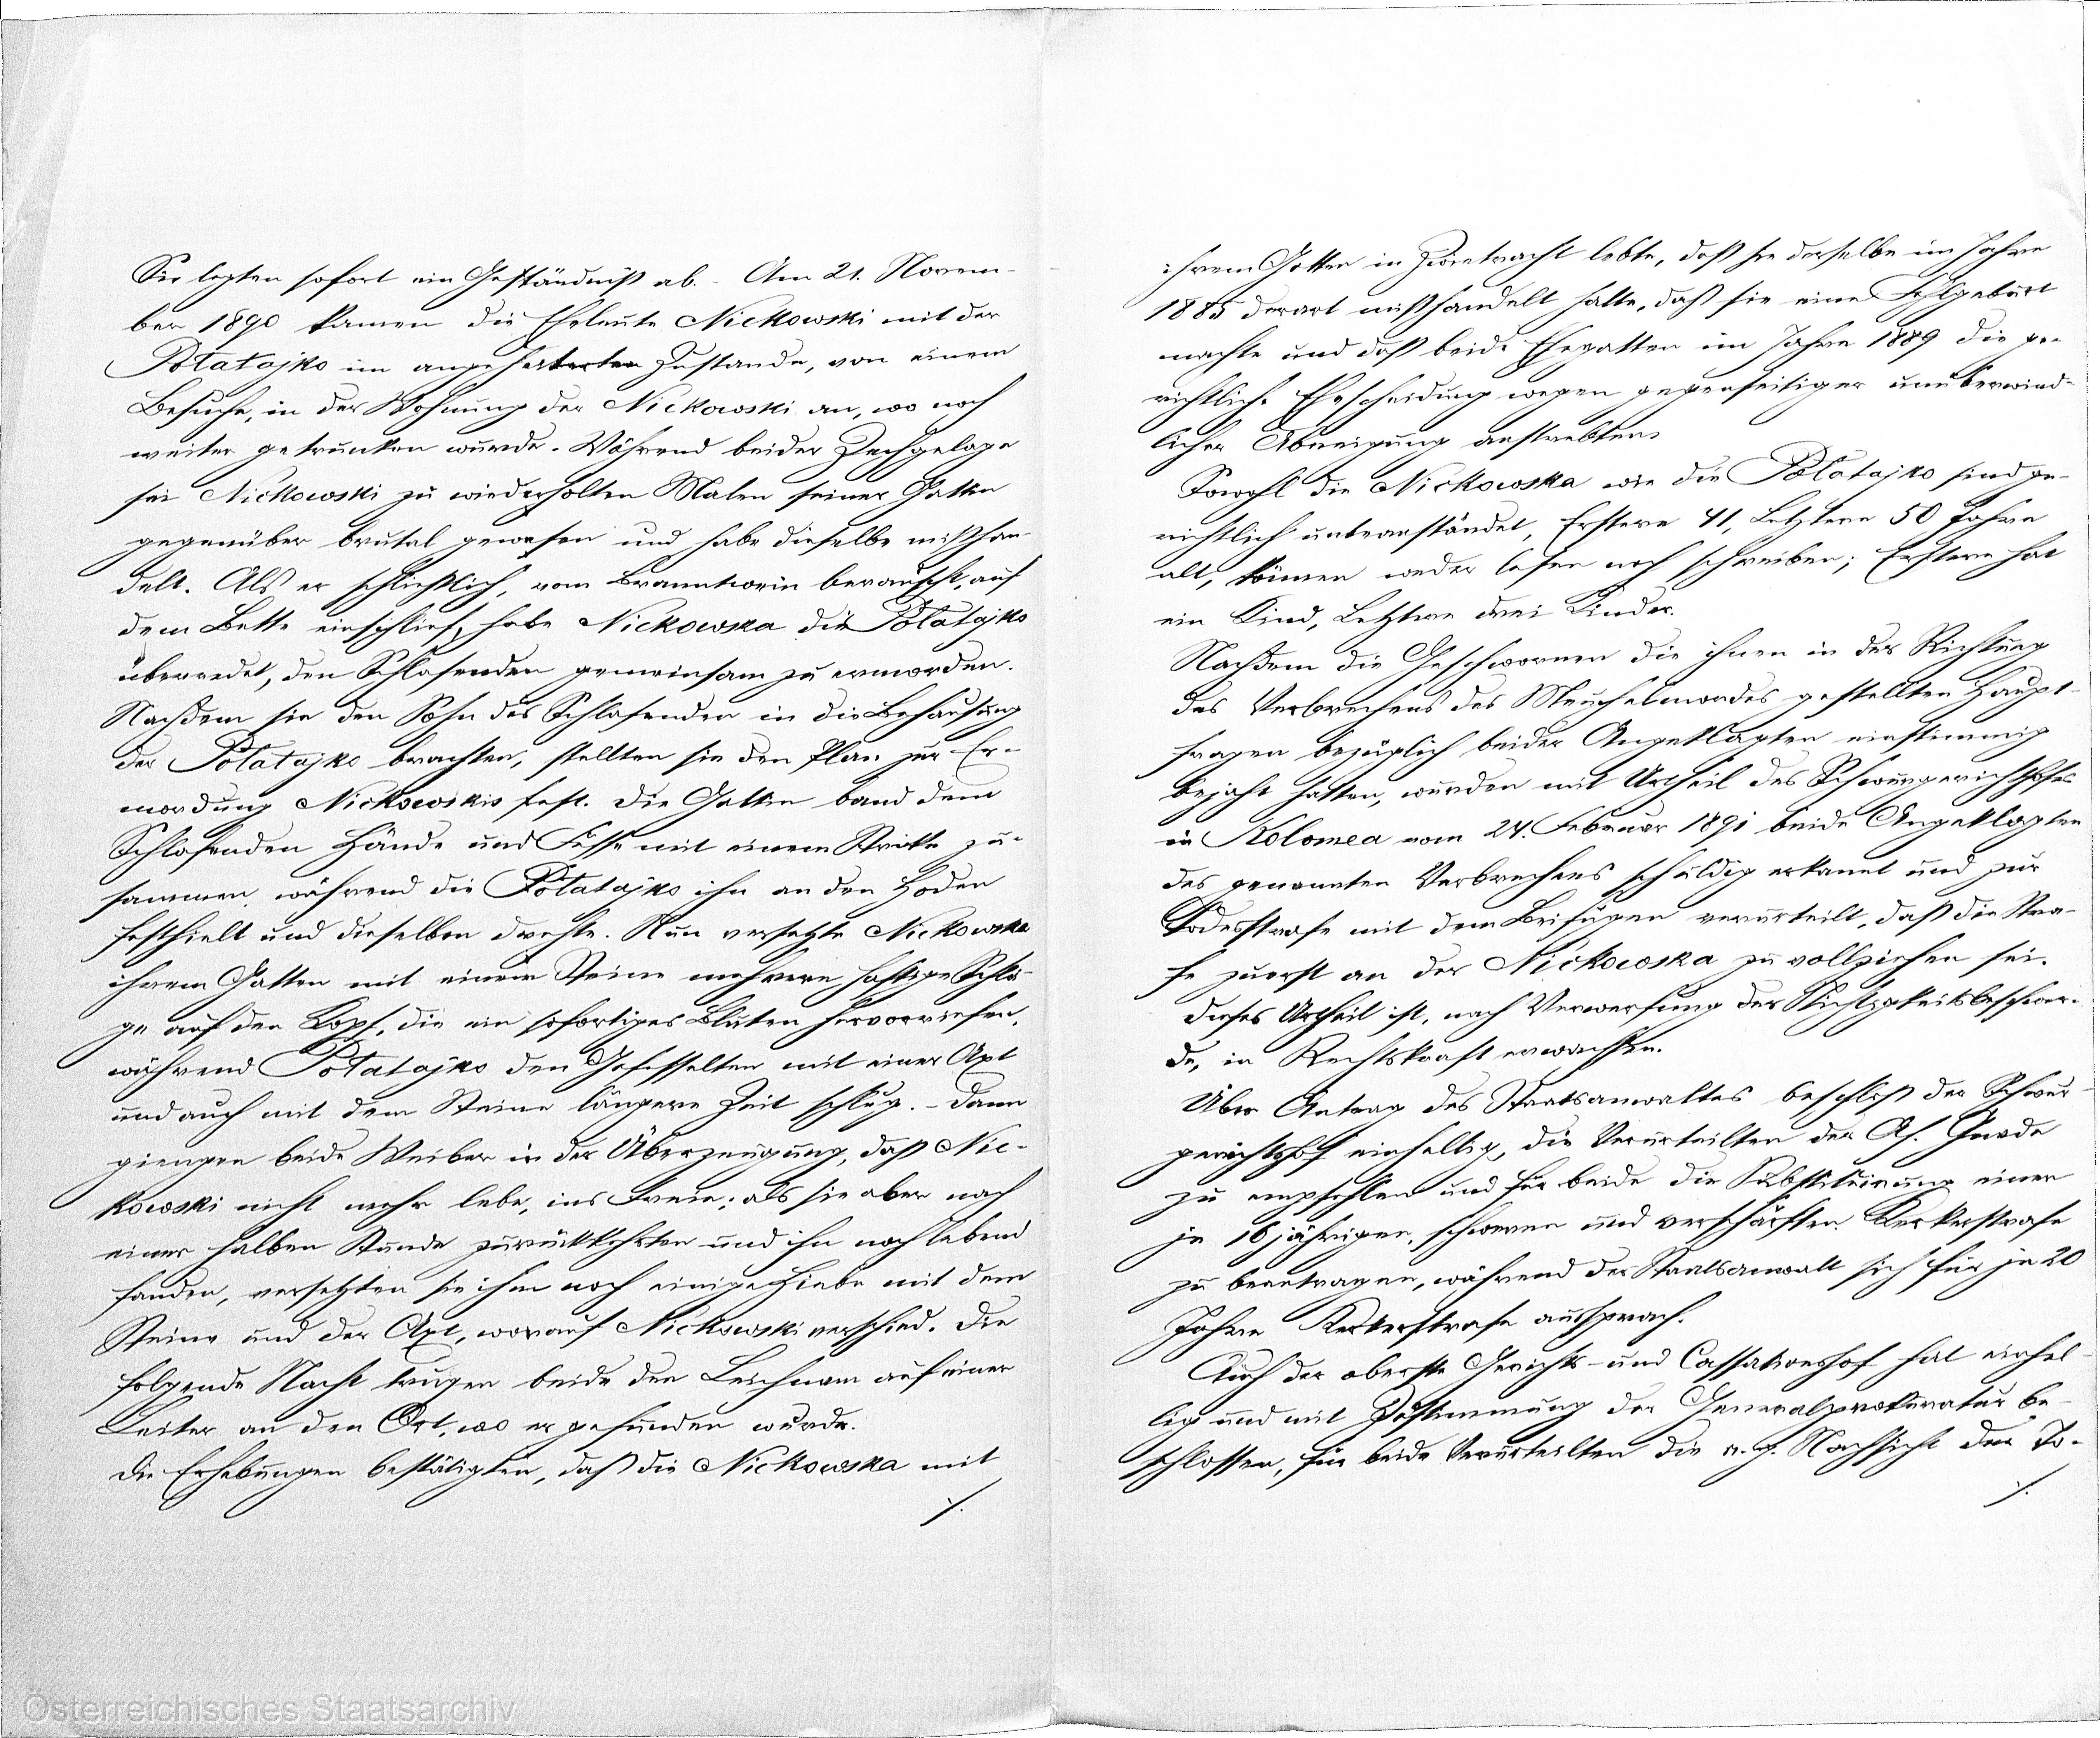Sie legten sofort ein Geständniß ab. Am 21. Novem¬
ber 1890 kamen die Eheleute Nickowski mit der
Połatajko im angeheiterten Zustande, von einem
Besuche in der Wohnung der Nickowski an, wo noch
weiter getrunken wurde. Während beider Zechgelage
[carousal, spree] sei Nickowski zu wiederholten Malen seiner Gattin
gegenüber brutal gewesen und habe dieselbe mißhan¬
delt. Als er schließlich, vom Branntwein berauscht, auf
dem Bette einschlief, habe Nickowska die Połatajko
überredet, den Schlafenden gemeinsam zu ermorden.
Nachdem sie den Sohn des Schlafenden in die Behausung
der Połatajko brachten, stellten sie den Plan zur Er¬
mordung Nickowski fest. Die Gattin band dem
Schlafenden Hände und Füsse mit einem Stricke zu¬
sammen während die Połatajko ihn an den Boden
festhielt und dieselben drehte. Nun versetzte Nickowska
ihrem Gatten mit einem Steine mehrere heftige Schlä¬
ge auf den Kopf, die ein sofortiges Bluten hervorriefen
während Połatajko den Gefesselten mit einer Axt
und auch mit dem Steine längere Zeit schlug. Dann
giengen beide Weiber in der Überzeugung, daß Nic¬
kowski nicht mehr lebe, ins Freie: als sie aber nach
einer halben Stunde zurückkehrten und ihn noch lebend
fanden, versetzten sie ihm noch einige Hiebe mit dem
Steine und der Axt, worauf Nickowski verschied. Die
folgende Nacht trugen beide der Leichnam auf einer
Leiter an den Ort, wo er gefunden wurde.
Die Erhebungen bestätigten, daß die Nickowska mit
ihrem Gatten in Zweitracht lebte, daß sie derselbe im Jahr
1885 derart mißhandelt hatte, daß sie eine Fehlgeburt
machte und daß beide Ehegatten im Jahre 1889 die ge¬
richtliche Ehescheidung wegen gegenseitiger unüberwind¬
liche Abneigung anstrebten.
Sowohl die Nickowska wie die Połatajko sind ge¬
richtlich unbeanständet, Erstere 41, Letztere 50 Jahre
alt, können weder lesen noch schreiben, Erstere hat
ein Kind, Letztere drei Kinder.
Nachdem die Geschworenen die ihnen in der Richtung
des Verbrechens des Meuchelmordes gestellten Haupt¬
fragen bezüglich beider Angeklagten einstimmig
bejaht hatten, wurden mit Urtheil des Schwurgerichtshofes
in Kolomea vom 24. Februar 1891 beide Angeklagten
des genannte Verbrechens schuldig erkannt und zur
Todesstrafe mit dem Beifügen verurtheilt, daß die Stra¬
fe zuerst an der Nickowska zu vollziehen sei.
Dieses Urtheil ist, nach Verwerfung der Nichtigkeitsbeschwer¬
de, in Rechtskraft erwachsen.
Über Antrag des Staatsanwaltes beschloß der Schwur¬
gerichtshof einhellig, die Verurtheilten der Ah. Gnade
zu empfehlen und für beide die Substituirung einen
je 16jährigen, schweren und verschärften Kerkerstrafe
zu beantragen, während der Staatsanwalt sich für je 20
Jahren Kerkerstrafe aussprach.
Auch der oberste Gerichts- und Cassationshof hat einhel¬
lig und mit Zustimmung der Generalprokuratur be¬
schlossen, für beide Verurtheilten die a.g. Nachsicht der To¬